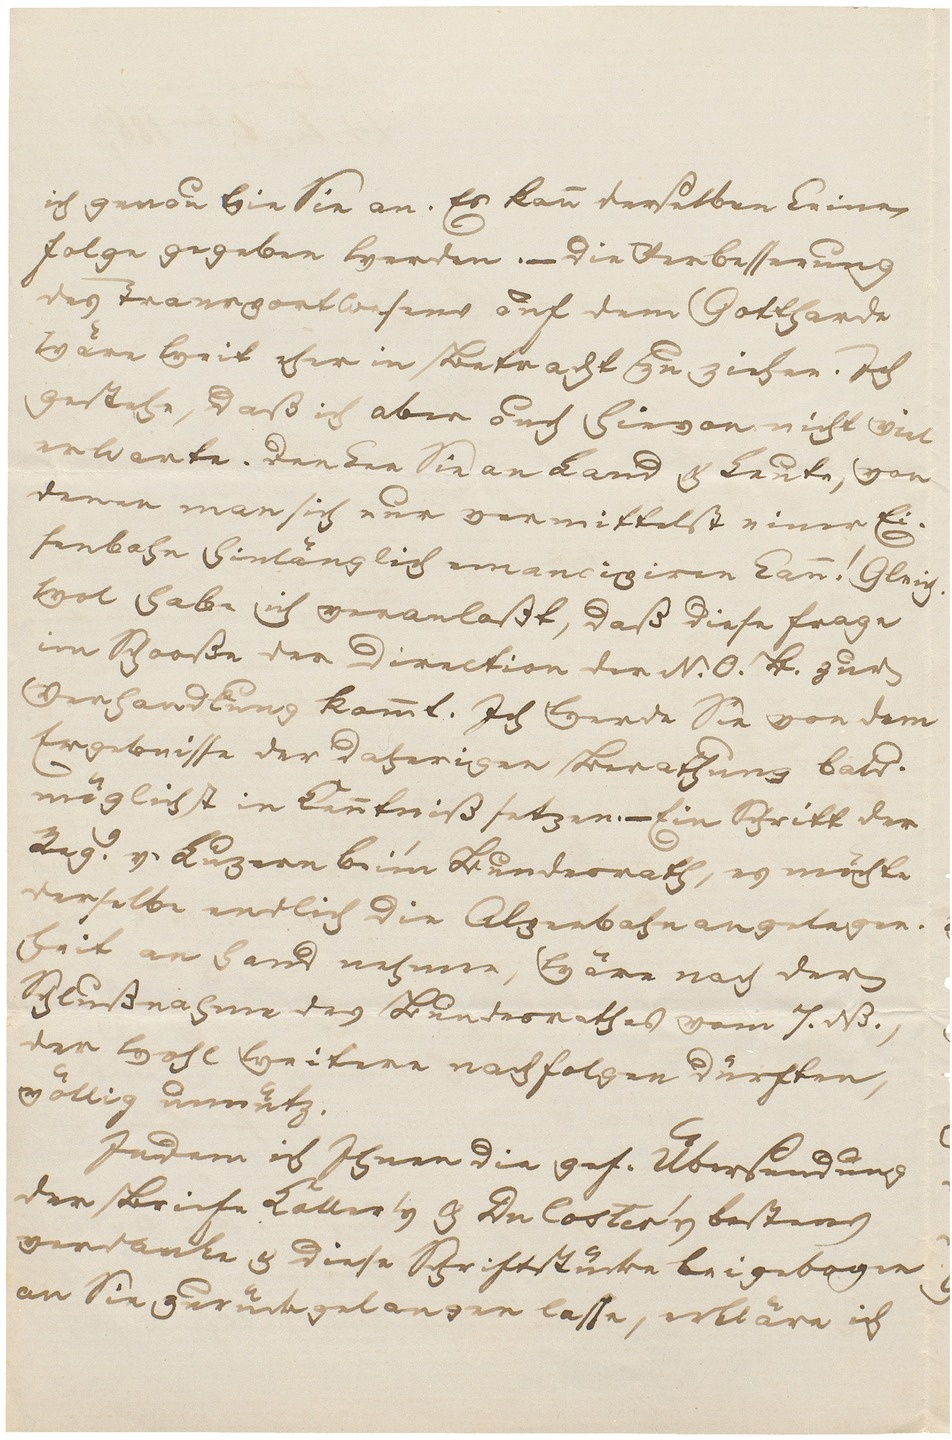ich genau wie Sie an. Es kann derselben keine
Folge gegeben werden. – Die Verbesserung
des Transportwesens auf dem Gottharde
wäre weit eher in Betracht zu ziehen. Ich
gestehe, daß ich aber auch hievon nicht viel
erwarte. Denken Sie an Land & Leute, von
denen man sich nur vermittelst einer Ei-
senbahn hinlänglich emancipiren kann! Gleich-
wol habe ich veranlaßt, daß diese Frage
im Schooße der Direction der N.O.B. zur
Verhandlung kommt. Ich werde Sie von dem
Ergebnisse der daherigen Berathung bald-
möglichst in Kenntniß setzen. – Ein Schritt der
Reg. v. Luzern bei'm Bundesrath, es möchte
derselbe endlich die Alpenbahnangelegen-
heit an Hand nehmen, wäre nach der
Schlußnahme des Bundesrathes vom 7. dß.,
der wohl weitere nachfolgen dürften,
völlig unnütz.
Indem ich Ihnen die gef. Übersendung
der Briefe Koller's & Du Coster's bestens
verdanke & diese Schriftstücke beigebogen
an Sie zurückgelangen lasse, erkläre ich